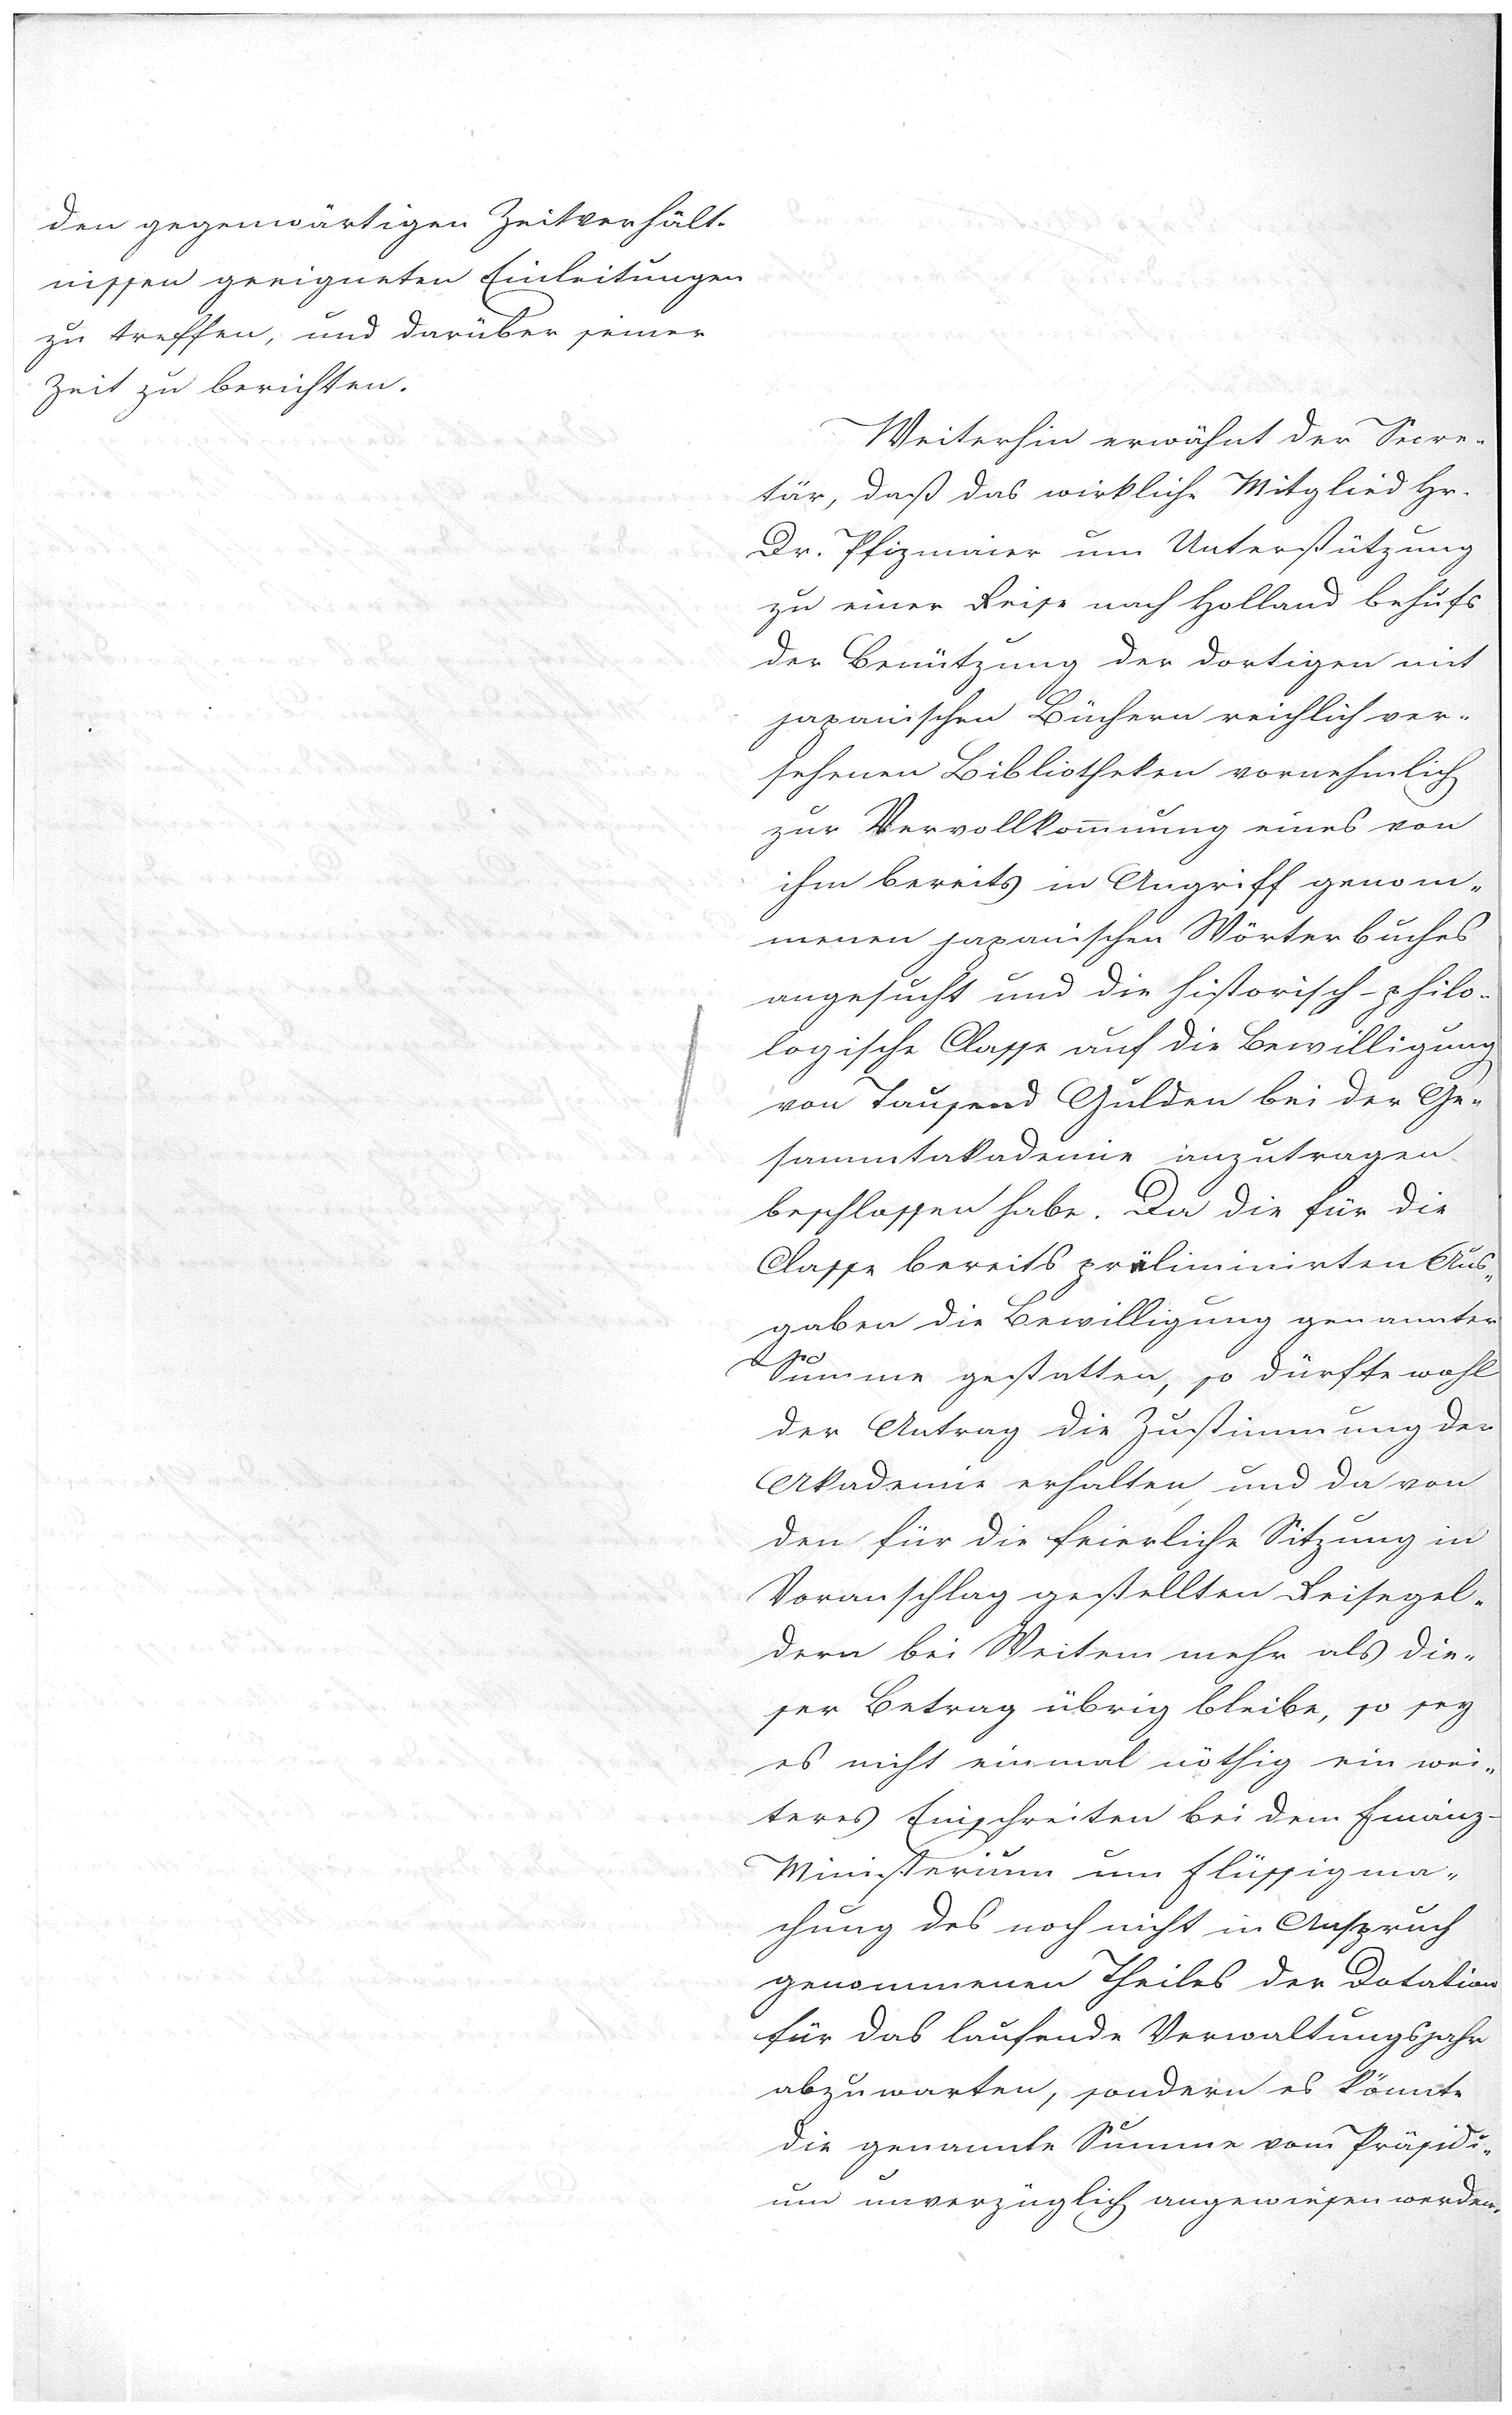den gegenwärtigen Zeitverhält-
nisten geeigneten Einleitungen
zu treffen, und darüber seiner
Zeit zu berichten.
Weiterhin erwähnt der Secre-
tär, daß das wirkliche Mitglied Hr.
Dr. Pfizmaier um Unterstützung
zu einer Reise nach Hollend behufs
der Benützung der dortigen mit
japanischen Büchern reichlich ver-
sehenen Bibliotheken vornehmlich
zur Vervollkommnung eines von
ihm bereits in Angriff genom-
menen japanischen Wörterbuches
angesucht und die historisch-philo-
logische Classe auf die Bewilligung
von Tausend Gulden bei der Ge-
sammtakademie anzutragen
beschlossen habe. Da die für die
Classe bereits präliminirten Aus-
gaben die Bewilligung genannter
Summe gestatten, so dürfte wohl
der Antrag die Zustimmung der
Akademie erhalten und da von
den für die feierliche Sitzung in
Voranschlag gestellten Reisegel-
dern bei Weitem mehr als die-
der Betrag übrig bleibe, so sey
es nicht einmal nöthig ein wei-
teres Einschreiten bei dem Finanz-
Ministerium um Flüssigma-
chung des noch nicht in Anspruch
genommenen Theiles der Dotation
für das laufende Verwaltungsjahr
abzuwarten, sondern es könnte-
die genannten Summe vom Präsidi-
um umverzüglich angewiesen werden.